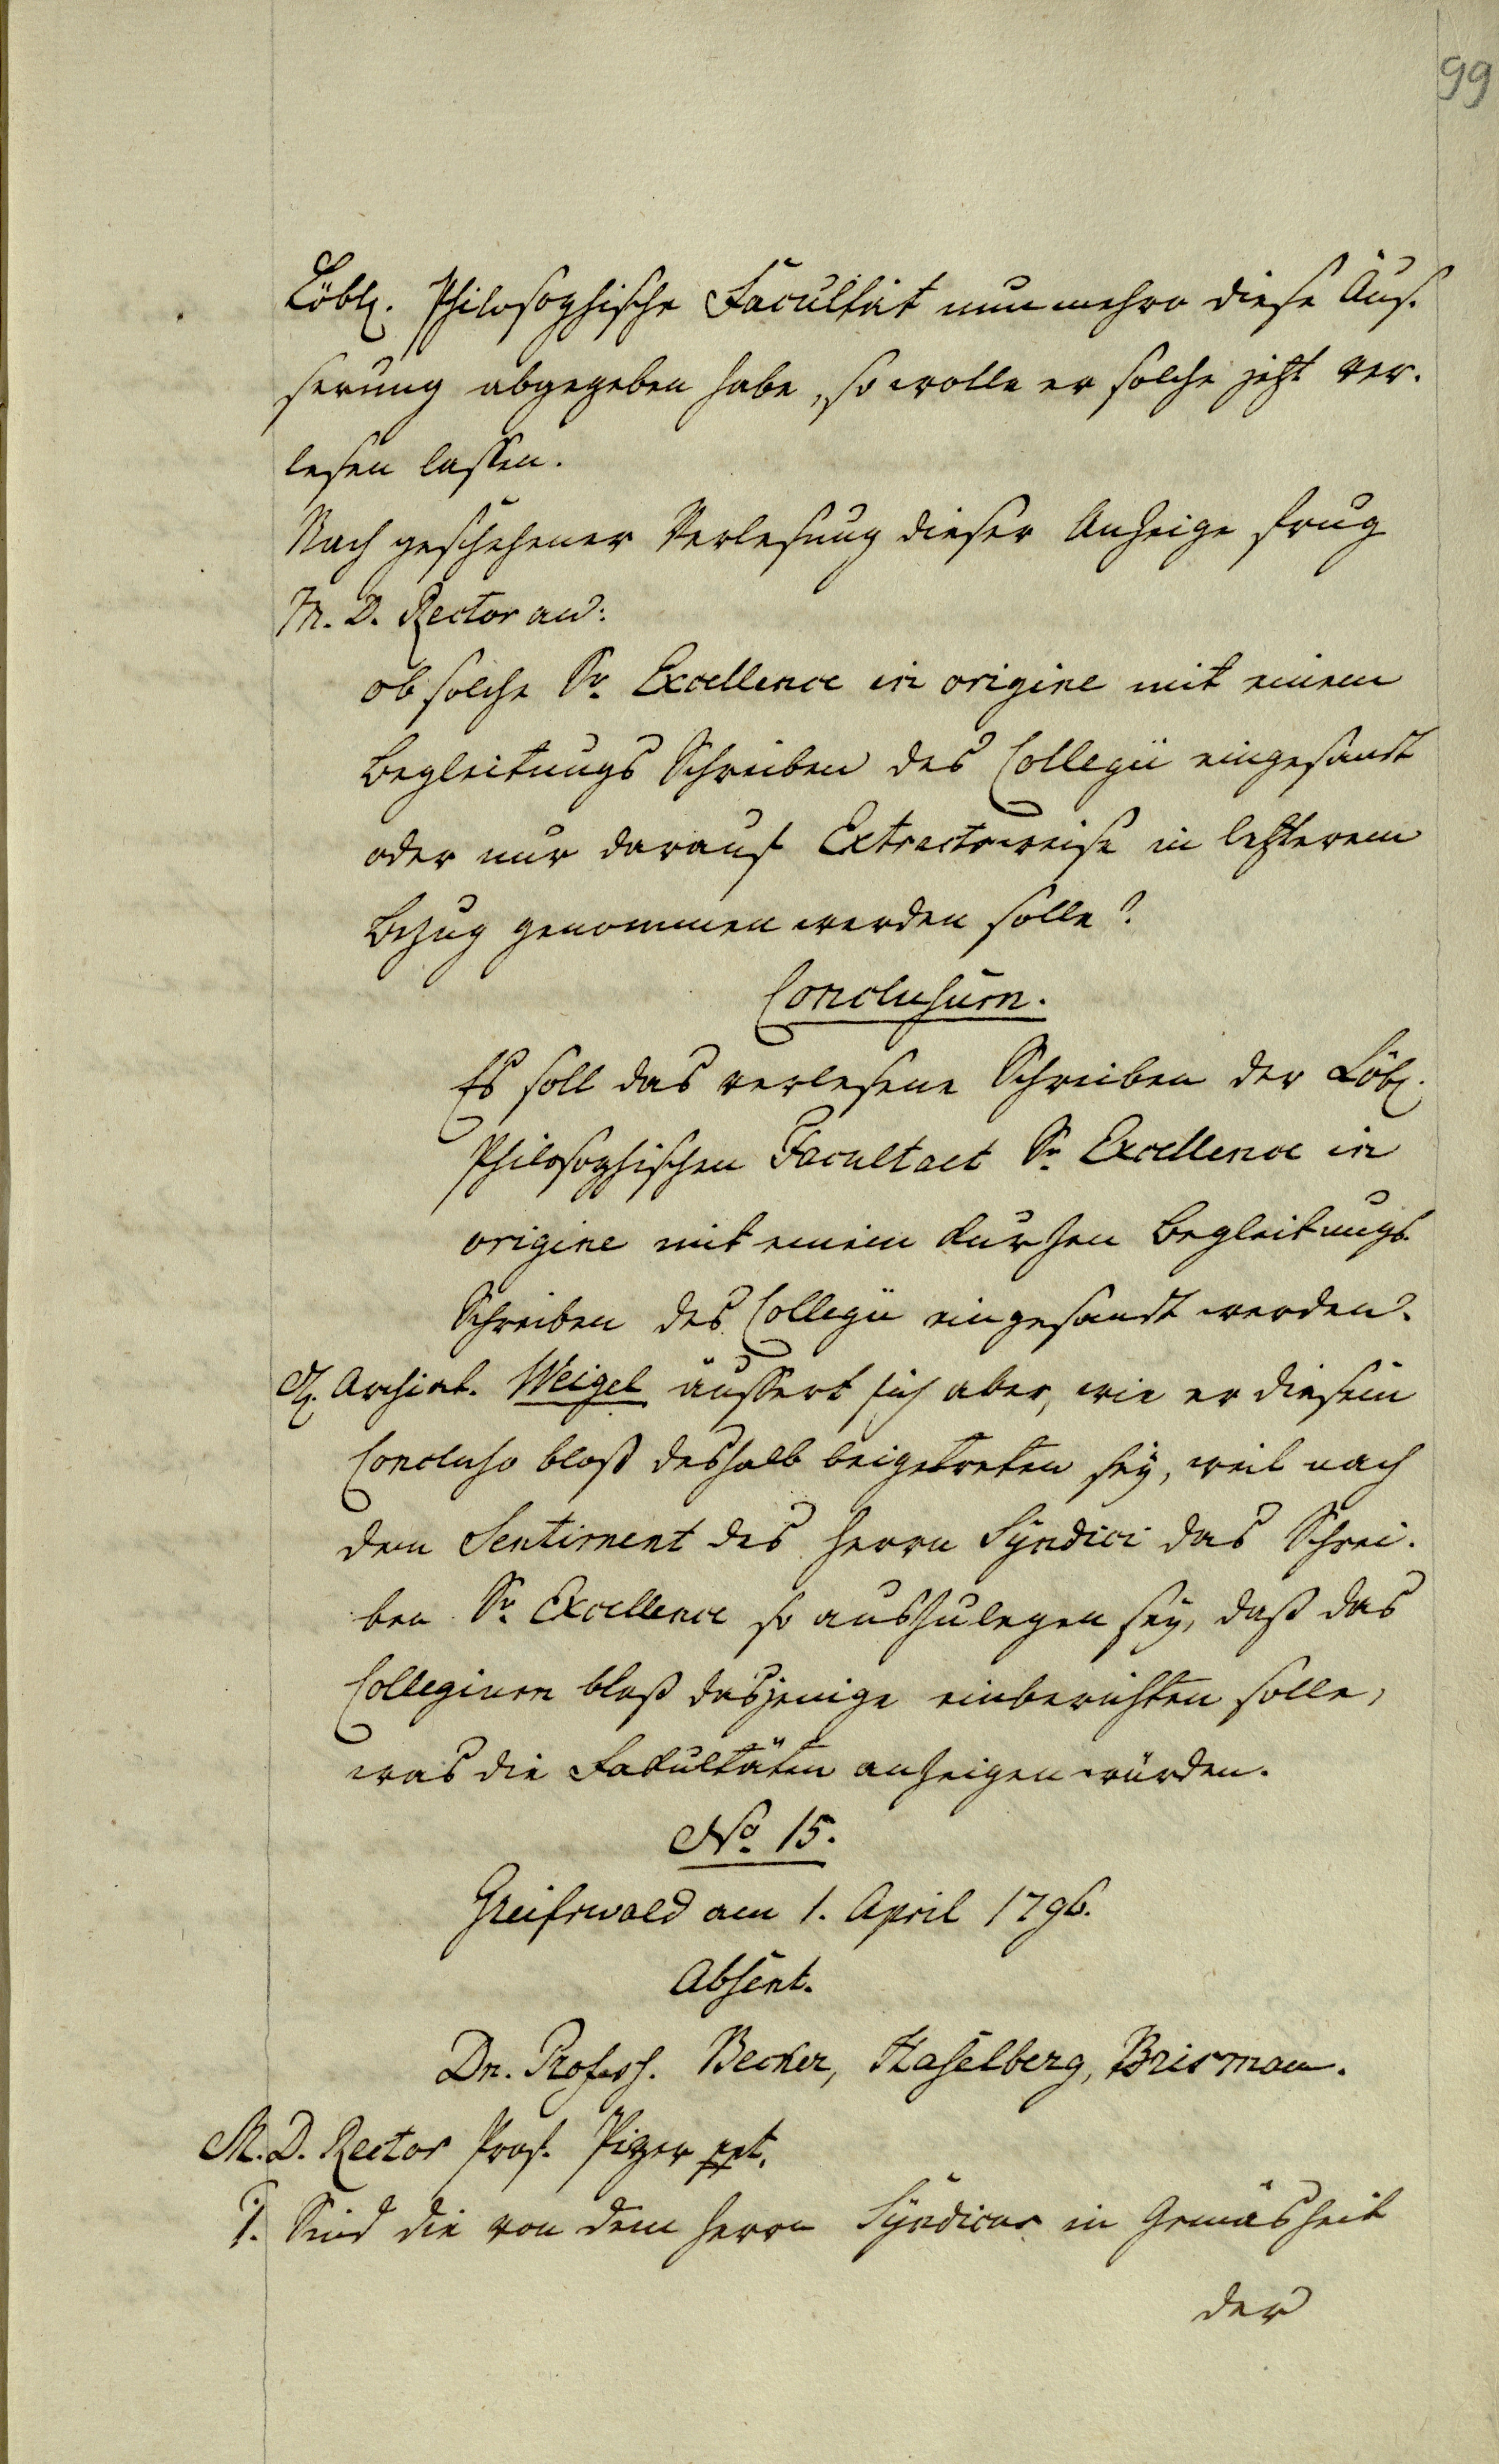Löbl. Philosophische Facultät nunmehro diese Äus¬
serung abgegeben habe, so wolle er solche jetzt ver¬
lesen lassen.
Nach geschehener Verlesung dieser Anzeige frug
M. D. Rector an:
ob solche Sr Excellence in origine mit einem
Begleitungs Schreiben des Collegii eingesandt
oder nur darauf Exetractsweise in letzterem
Bezug genommen werden solle?
Conclusum.
Es soll das verlesene Schreiben der Löbl.
Philosophischen Facultaet Sr Excellence in
origine mit einem kurzen Begleitungs¬
Schreiben des Collegii eingesandt werden.
dh. Archiat. Weigel äussert sich aber, wie er diesem
Concluso bloß deshalb beigetreten seÿ, weil nach
dem Sentiment des Herrn Sÿndici das Schrei¬
ben Sr Excellence so auszulegen seÿ, daß das
Collegium bloß dasjenige einberichten solle,
was die Fakultäten anzeigen würden.
No 15.
Greifswald am 1. April 1796.
Absent.
Dn. Profess. Becker, Haselberg, Brisman.
M. D. Rector Prof. Piper ppt.
1. Sind die von dem Herrn Sÿndicus in Gemäsheit
der